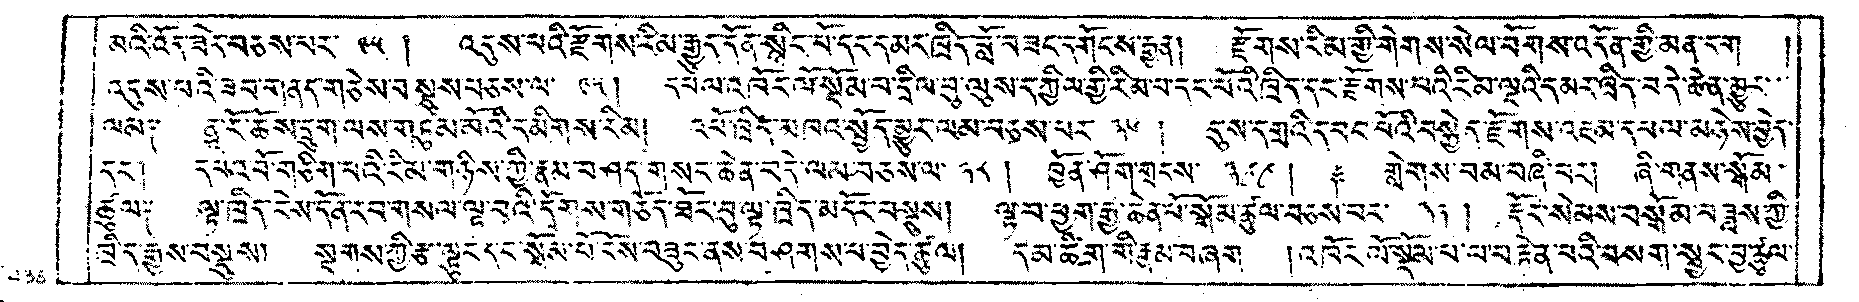མའི་འོད་ཟེར་བཅས་པར ༤༥། འདུས་པའི་རྫོགས་རིམ་རྒྱུད་དོན་སྙིང་པོ་དང་དམར་ཁྲིད་བློ་བཟང་དགོངས་རྒྱན། རྫོགས་རིམ་གྱི་གེགས་སེལ་བོགས་འདོན་གྱི་མན་ངག །
འདུས་པའི་ཟབ་གནད་གཅེས་བསྡུས་བཅས་ལ ༤༥། དཔལ་འཁོར་ལོ་སྡོམ་པ་དྲིལ་བུ་ལུས་དཀྱིལ་གྱི་རིམ་པ་དང་པོའི་ཁྲིད་དང་རྫོགས་པའི་རིམ་ལྔའི་དམར་ཁྲིད་བདེ་ཆེན་མྱུར་
ལམ། ནཱ་རོ་ཆོས་དྲུག་ལས་གཏུམ་མོའི་དམིགས་རིམ། འཕོ་ཁྲིད་མཁའ་སྤྱོད་མྱུར་ལམ་བཅས་པར ༣༦། དུས་དགྲའི་དབང་པོའི་བསྐྱེད་རྫོགས་འཇམ་དཔལ་མཉེས་བྱེད་
དང་། དཔའ་བོ་གཅིག་པའི་རིམ་གཉིས་ཀྱི་རྣམ་བཤད་གསང་ཆེན་བདེ་ལམ་བཅས་ལ ༢༨། ཁྱོན་ཤོག་གྲངས ༣༩༩། ༈ གླེགས་བམ་བཞི་པར། ཞི་གནས་སྒོམ་
ཚུལ། ལྟ་ཁྲིད་ངེས་དོན་རབ་གསལ་ལྟ་བའི་དོགས་གཅོད་ཐོར་བུ་ལྟ་ཁྲིད་མདོར་བསྡུས། ལྟ་བ་ཕྱག་རྒྱ་ཆེན་པོ་སྒོམ་ཚུལ་བཅས་པར ༣༢། རྡོར་སེམས་བསྒོམ་བཟླས་ཀྱི་
ཁྲིད་རྒྱས་བསྡུས། སྔགས་ཀྱི་རྩ་ལྟུང་དང་སྦོམ་པོ་ངོས་བཟུང་ནས་བཤགས་པ་བྱེད་ཚུལ། དམ་ཚིག་གི་རྣམ་བཞག །འཁོར་ལོ་སྡོམ་པ་ལ་བརྟེན་པའི་བསག་སྦྱང་བྱ་ཚུལ་